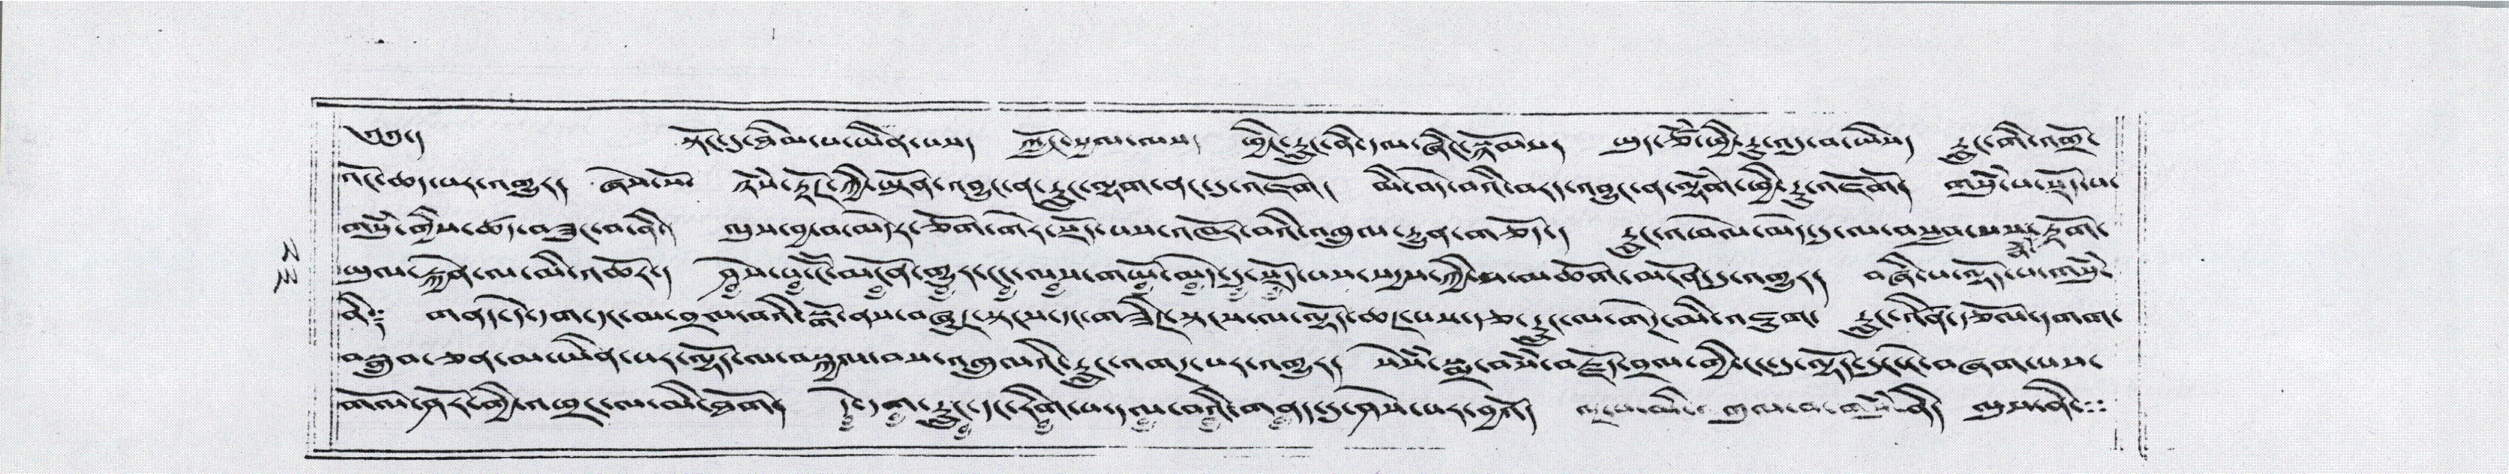སྟོང་དུ་ཐིམ་པ་ཡིན་པས། ཀློང་གསལ་ལས། ཕྱི་ནང་རླུང་ནི་དལ་ཞིང་སྙོམས། ཡུད་ཙམ་ཕྱི་རུ་འདུ་བ་ཡིས། རླུང་གི་འགྲོ་
འོང་ཆད་པར་འགྱུར། ཞེས་སོ། ཉམས་རྟོགས་ཀྱི་ཡོན་ཏན་འབྱུང་ན་རླུང་ལྷག་ནང་དུ་འཇོག མི་བདེ་བའི་བར་ཆད་འཇོག་ན་ལྷག་མ་ཕྱི་རུ་འཇོག་གོ གསུམ་པ་སྡོད་པ་
གསུམ་གྱིས་ཚད་བཟུང་བ་ནི། ལུས་བྱ་བ་མེད་པར་ཅོག་གེར་སྡོད་པས་འཁོར་བའི་འཁྲུལ་རྒྱུན་གཅོད། རླུང་འཕེལ་མེད་དུ་ལ་བསླབ་པས་རྣམ་རྟོག་
ཡུལ་རྐྱེན་ལ་མི་འཆོར། ཤེས་པ་ངོ་བོ་མངོན་གྱུར་ངང་ལས་གཡོ་མེད་དུ་སྡོད་པས་སངས་རྒྱས་ཀྱི་ས་མཆོག་མངོན་དུ་འགྱུར། བཞི་པ་ལྷོད་པ་གསུམ་
ནི། གནད་དེ་དག་དང་མ་བྲལ་བའི་སྒོ་ནས་བཞུགས་སྟངས་དང་གཟིགས་སྟངས་ལ་ལྷོད་ཆགས་པས་རྩ་རླུང་ལ་གེགས་མི་འཇུག རླུང་འཛིན་རྩོལ་དགག་
སྒྲུབ་ཅན་མ་ཡིན་པར་ལྷོད་ལ་བསྐྱལ་བས་འཁྲུལ་པའི་རླུང་འགག་པར་འགྱུར། སེམས་སྨྲ་བསམ་བརྗོད་བྲལ་གྱི་ངང་དུ་ལྷོད་དུང་ངེ་བཞག་པས་
གོལ་ཤོར་གྱི་འཕྲང་ལ་མི་ཐོག དེ་དག་རླུང་དང་རིག་པ་དལ་བའི་གནད་དུ་ཤེས་པར་བྱའོ། ལྔ་པ་མི་འགུལ་བ་གསུམ་ནི། ལུས་ནི་